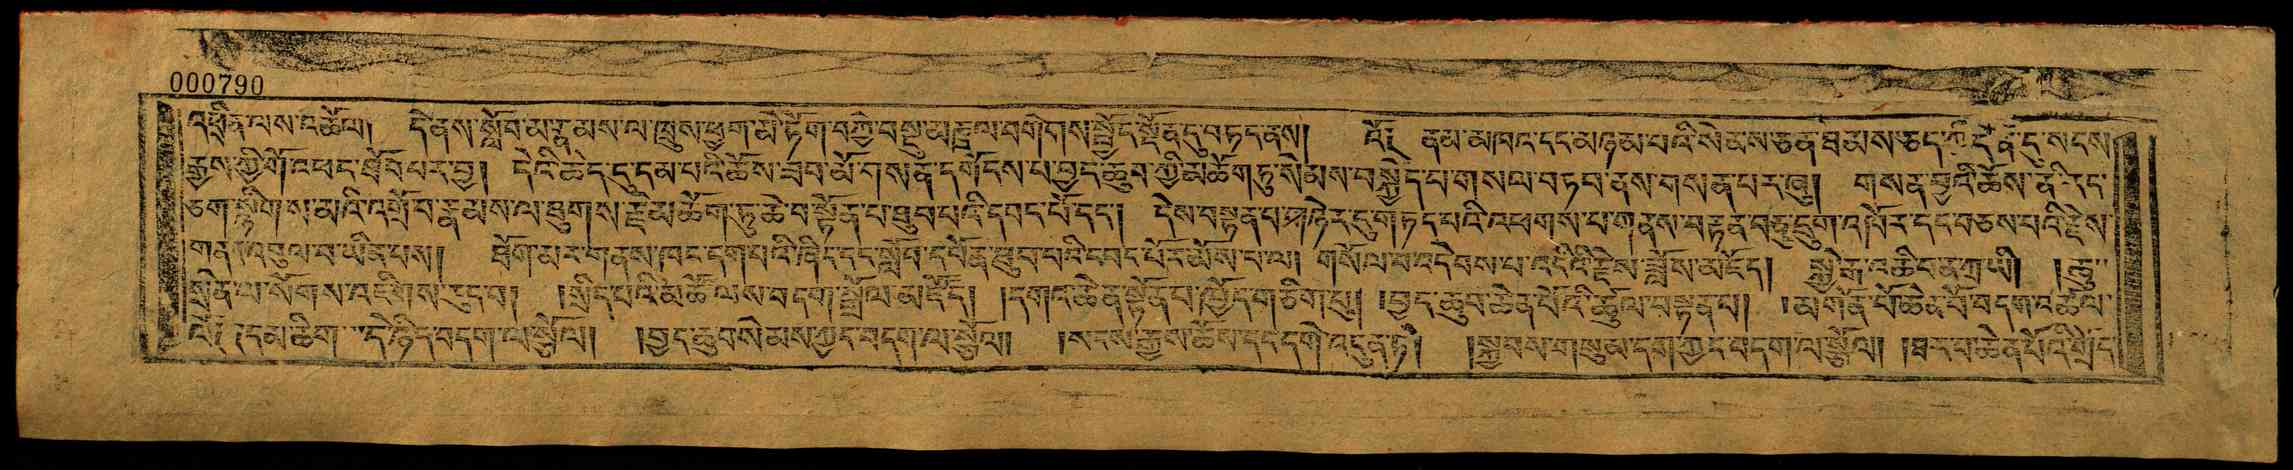འཕྲིན་ལས་འཆོལ། དོ་ནས་སློབ་མ་རྣམས་ལ་ཁྲུས་ཕྱག་མེ་ཏོག་བཀྱེ་བསྡུ་མཎྜལ་བགེགས་སྦྱོང་སྔོན་དུ་བཏང་ནས། འོ༑ ནམ་མཁའ་དང་མཉམ་པའི་སེམས་ཅན་ཐམས་ཅད་ཀྱི་དོན་དུ་སངས་
རྒྱས་ཀྱི་གོ་འཕང་ཐོབ་པར་བྱ། དེའི་ཆེད་དུ་དམ་པའི་ཆོས་ཟབ་མོ་གསན་དགོངས་པ་བྱང་ཆུབ་ཀྱི་མཆོག་ཏུ་སེམས་བསྐྱེད་པ་གསལ་བཏབ་ནས་གསན་པར་ཞུ། གསན་བྱའི་ཆོས་ནི་རང་
ཅག་སྙིགས་མའི་འགྲོ་བ་རྣམས་ལ་ཐུགས་རྗེ་མཆོག་ཏུ་ཆེ་བ་སྟོན་པ་ཐུབ་པའི་དབང་པོ་དང་། དེས་བསྟན་པ་གཉེར་དུ་གཏད་པའི་འཕགས་པ་གནས་བརྟན་བཅུ་དྲུག་འཁོར་དང་བཅས་པའི་རྗེས་
གནང་འབུལ་བ་ཡིན་པས། ཐོག་མར་གནས་ཁང་དག་པའི་ཞིང་དང་སློབ་དཔོན་ཐུབ་པའི་དབང་པོར་མོས་པ་ལ། གསོལ་བ་འདེབས་པ་འདིའི་རྗེས་ཟློས་མཛོད། སྐྱེ་རྒ་འཆི་བ་ན་ཀྲ་ཡི། །ཆུ་
སྲིན་ལ་སོགས་འཇིགས་རུང་བ། །སྲིད་པའི་མཚོ་ལས་བདག་སྩོལ་མཛོད། །དགའ་ཆེན་སྟོན་པ་ཁྱོད་གཅིག་པུ། །བྱང་ཆུབ་ཆེན་པོའི་ཚུལ་བསྟན་པ། །མགོན་པོ་ཆེན་པོ་བདག་འཚལ་
ལོ༑ ༑དམ་ཚིག་དེ་ཉིད་བདག་ལ་སྩོལ། །བྱང་ཆུབ་སེམས་ཀྱང་བདག་ལ་སྩོལ། །སངས་རྒྱས་ཆོས་དང་དགེ་འདུན་ཏེ། །སྐྱབས་གསུམ་དག་ཀྱང་བདག་ལ་སྩོལ། །ཐར་པ་ཆེན་པོའི་གྲོང་